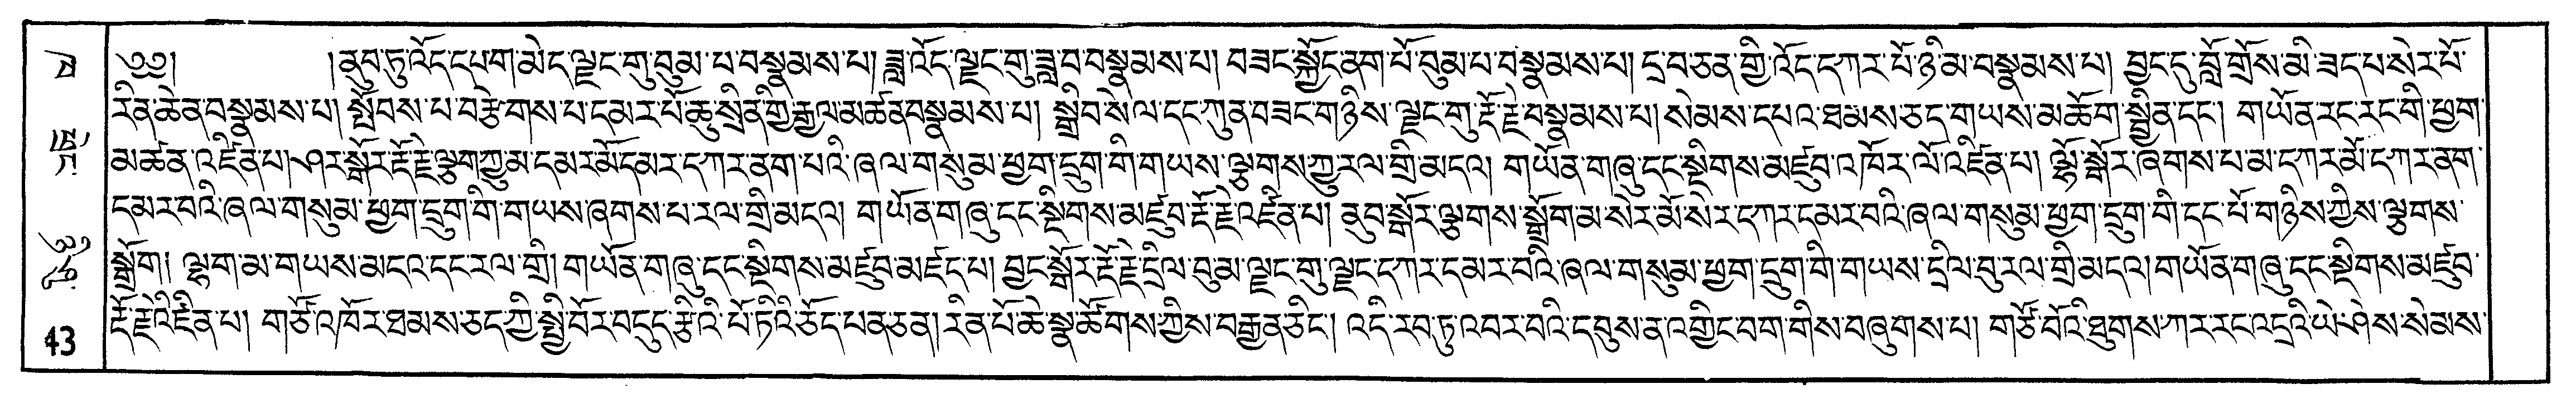༄༅། །ནུབ་ཏུ་འོད་དཔག་མེད་ལྗང་གུ་བུམ་པ་བསྣམས་པ། ཟླ་འོད་ལྗང་གུ་ཟླ་བ་བསྣམས་པ། བཟང་སྐྱོང་ནག་པོ་བུམ་པ་བསྣམས་པ། དྲ་བ་ཅན་གྱི་འོད་དཀར་པོ་ཉི་མ་བསྣམས་པ། བྱང་དུ་བློ་གྲོས་མི་ཟད་པ་སེར་པོ་
རིན་ཆེན་བསྣམས་པ། སྤོབས་པ་བརྩེགས་པ་དམར་པོ་ཆུ་སྲིན་གྱི་རྒྱལ་མཚན་བསྣམས་པ། སྒྲིབ་སེལ་དང་ཀུན་བཟང་གཉིས་ལྗང་གུ་རྡོ་རྗེ་བསྣམས་པ། སེམས་དཔའ་ཐམས་ཅད་གཡས་མཆོག་སྦྱིན་དང་། གཡོན་རང་རང་གི་ཕྱག་
མཚན་འཛིན་པ། ཤར་སྒོར་རྡོ་རྗེ་ལྕག་ཀྱུ་མ་དམར་མོ་དམར་དཀར་ནག་པའི་ཞལ་གསུམ་ཕྱག་དྲུག་གི་གཡས་ལྕགས་ཀྱུ་རལ་གྲི་མདའ། གཡོན་གཞུ་དང་སྡིགས་མཛུབ་འཁོར་ལོ་འཛིན་པ། ལྷོ་སྒོར་ཞགས་པ་མ་དཀར་མོ་དཀར་ནག་
དམར་བའི་ཞལ་གསུམ་ཕྱག་དྲུག་གི་གཡས་ཞགས་པ་རལ་གྲི་མདའ། གཡོན་གཞུ་དང་སྡིགས་མཛུབ་རྡོ་རྗེ་འཛིན་པ། ནུབ་སྒོར་ལྕགས་སྒྲོག་མ་སེར་མོ་སེར་དཀར་དམར་བའི་ཞལ་གསུམ་ཕྱག་དྲུག་གི་དང་པོ་གཉིས་ཀྱིས་ལྕགས་
སྒྲོག །ལྷག་མ་གཡས་མངའ་དང་རལ་གྲི། གཡོན་གཞུ་དང་སྡིགས་མཛུབ་མཛད་པ། བྱང་སྒོར་རྡོ་རྗེ་དྲིལ་བུ་མ་ལྗང་གུ་ལྗང་དཀར་དམར་བའི་ཞལ་གསུམ་ཕྱག་དྲུག་གི་གཡས་དྲིལ་བུ་རལ་གྲི་མདའ། གཡོན་གཞུ་དང་སྡིགས་མཛུབ་
རྡོ་རྗེའི་འཛིན་པ། གཙོ་འཁོར་ཐམས་ཅད་ཀྱི་སྤྱི་བོར་བདུད་རྩིའི་པོ་ཏིའི་ཅོད་པན་ཅན། རིན་པོ་ཆེ་སྣ་ཚོགས་ཀྱིས་བརྒྱན་ཅིང་། འདི་རབ་ཏུ་འབར་བའི་དབུས་ན་འགྱིང་བག་གིས་བཞུགས་པ། གཙོ་བོའི་ཐུགས་ཀར་རང་འདྲའི་ཡེ་ཤེས་སེམས་